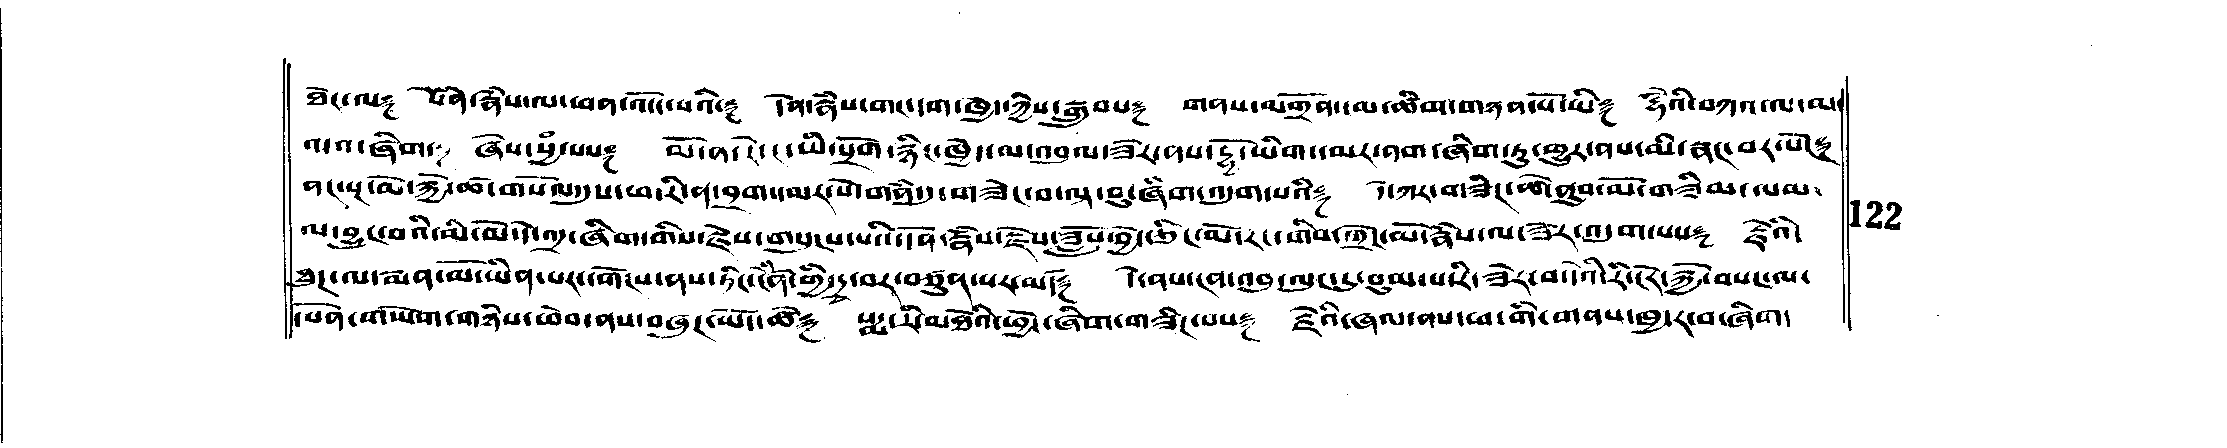ཐོངས་ལ། །སེམས་ཅན་རྣམས་ལ་ཕན་འདོད་པའི། །དོན་རྣམས་གང་དག་ཁྱེད་ཀྱིས་སྒྲུབས། །གནས་མགྲོན་དམ་ཚིག་གཉན་པོ་ཡི། །རྡོ་རྗེའི་བཀའ་ལ་མ་
འདའ་ཞིག །ཞེས་གསུངས་པས། མོ་ན་རེ་ང་ཡི་སྲོག་སྙིང་ཁྱེད་ལ་འབུལ་ཟེར་ནས་བྷྱོ་ཡིག་དམར་ནག་ཞིག་ཏུ་གྱུར་ནས་མི་སྣང་བར་སོང་། 
ནངས་སྔ་མོ་སྐྱོ་ཚ་གསོལ་དུས་ཕ་རི་བྲག་དམར་པོ་གནམ་དུ་གཟེང་བ་ལྟ་བུ་ཞིག་འདུག་པའི། དེ་ཀར་གཟིགས་ཚེ་ནུབ་མོ་གཟིམ་ལམ་
ལ་བྱུང་བའི་མི་མོ་དེ་འདྲ་ཞིག་གིས་རྗེས་གསུངས་པའི་དོན་རྣམས་རྗེས་ཟློས་བྱེད་ཅིང་མོ་རང་གིས་གྲོགས་མོ་རྣམས་ལ་ཟེར་འདུག་པས། རྗེའི་
ཐུགས་ལ་སྨན་མོ་ཡིན་པར་དགོངས་ནས་ཏིང་ངེ་འཛིན་གྱི་དྲྭ་བར་བཅུན་པར་མཛད། དེ་ནས་ངན་འབུ་ལུང་དུ་བུམ་པ་རི་ཟེར་བ་དེའི་རི་ངོར་སྐྱོ་བསང་ལ་
དཔོན་གཡོག་གཉིས་ཕེབས་ནས་བཞུགས་ཡོད་ཚེ། པདྨ་རི་མཐོའི་ཕྱོགས་ཞིག་གཟིགས་པས། རྗེའི་ཞལ་ནས་ཕ་གི་གནས་ཁྱད་པར་བ་ཞིག་